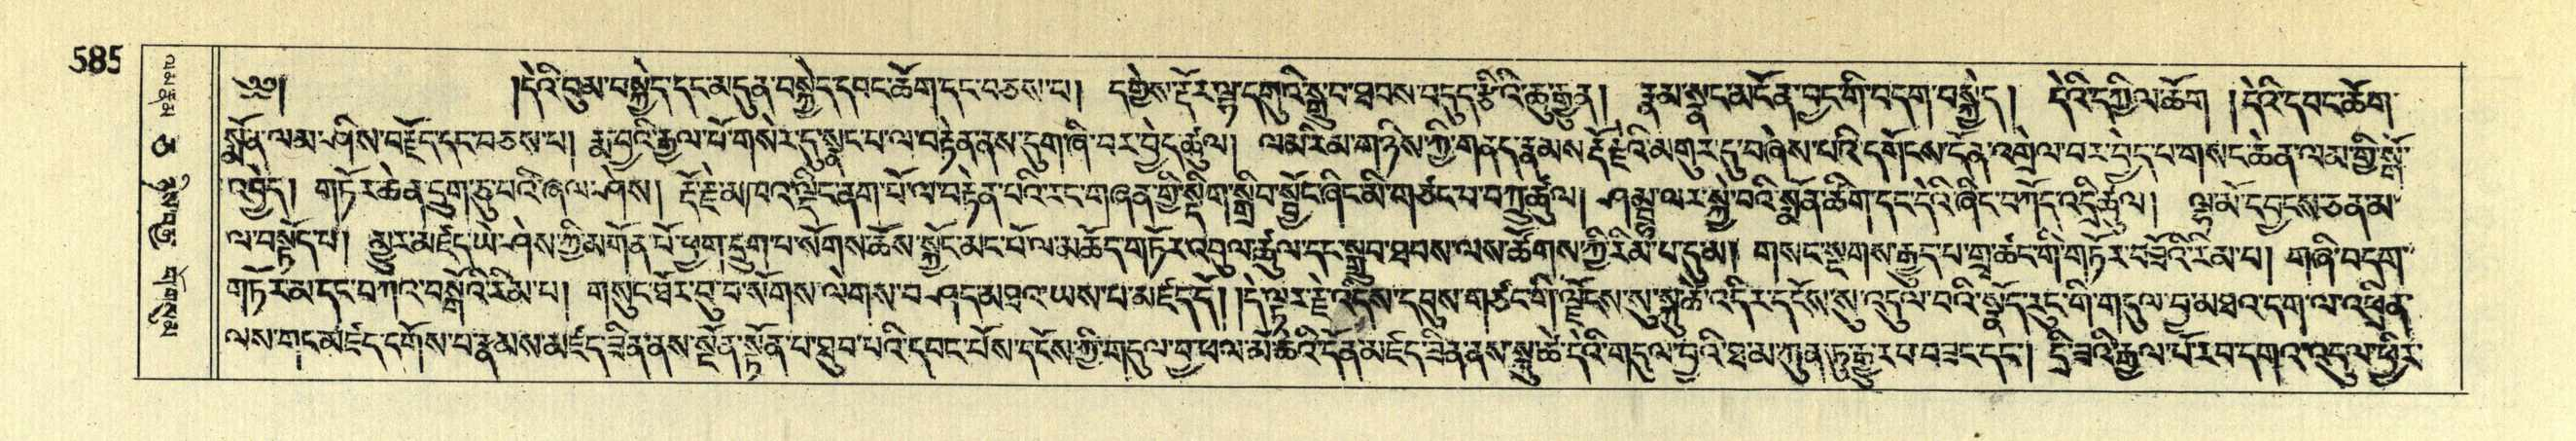༄༅། །དེའི་བུམ་བསྐྱེད་དང་མདུན་བསྐྱེད་དབང་ཆོག་དང་བཅས་པ། དགྱེས་རྡོར་ལྷ་དགུའི་སྒྲུབ་ཐབས་བདུད་རྩིའི་ཆུ་རྒྱུན། རྣམ་སྣང་མངོན་བྱང་གི་བདག་བསྐྱེད། དེའི་དཀྱིལ་ཆོག །དེའི་དབང་ཆོག་
སྨོན་ལམ་ཤིས་བརྗོད་དང་བཅས་པ། རྨ་བྱའི་རྒྱལ་པོ་གསེར་དུ་སྣང་པྦ་ལ་བརྟེན་ནས་དུག་ཞི་བར་བྱེད་ཚུལ། ལམ་རིམ་གཉིས་ཀཡ་གནད་རྣམས་རྡོ་རྗེའི་མགུར་དུ་བཞེས་པའི་དགོངས་དོན་འགྲེལ་བར་བྱེད་པ་གསང་ཆེན་ལམ་གྱི་སྒོ་
འབྱེད། གཏོར་ཆེན་དྲུག་ཅུ་པའི་ཞལ་ཤེས། རྡོ་རྗེ་མཁའ་ལྡིང་ནག་པོ་ལ་བརྟེན་པའི་རང་གཞན་གྱི་སྡིག་སྒྲིབ་སྦྱོང་ཞིང་མི་གཙང་པ་བཀྲུ་ཚུལ། ཤམྦྷ་ལར་སྐྱེ་བའི་སྨོན་ཚིག་དང་དེའི་ཞིང་བཀོད་འདྲི་ཚུལ། ལྷ་མོ་དབྱངས་ཅན་མ་
ལ་བསྟོད་པ། མྱུར་མཛད་ཡེ་ཤེས་ཀྱི་མགོན་པོ་ཕྱག་དྲུག་པ་སོགས་ཆོས་སྐྱོང་མང་པོ་ལ་མཆོད་གཏོར་འབུལ་ཚུལ་དང་སྒྲུབ་ཐབས་ལས་ཚོགས་ཀྱི་རིམ་པ་དུ་མ། གསང་སྔགས་རྒྱུད་པ་གྲྭ་ཚང་གི་གཏོར་བཟོའི་རིམ་པ། གཞི་བདག་
གཏོར་མ་དང་བཀའ་བསྒོའི་རིམ་པ། གསུང་ཐོར་བུ་བ་སོགས་ལེགས་བཤད་མཐའ་ཡས་པ་མཛད་དོ། །དེ་ལྟར་རྗེ་འདིས་དབུས་གཙང་གི་ལྗོངས་སུ་སྐུ་ཚེ་འདིར་དངོས་སུ་འདུལ་བའི་སྣོད་རུང་གི་གདུལ་བྱ་མཐའ་དག་ལ་འཕྲིན་
ལས་གང་མཛད་དགོས་པ་རྣམས་མཛད་ཟིན་ནས་སྔོན་སྟོན་པ་ཐུབ་པའི་དབང་པོས་དངོས་ཀྱི་གདུལ་བྱ་ཕལ་མོ་ཆེའི་དོན་མཛད་ཟིན་ནས་སྐུ་ཚེ་དེའི་གདུལ་བྱའི་ཐ་མ་ཀུན་ཏུ་རྒྱུ་རབ་བཟང་དང་། དྲི་ཟའི་རྒྱལ་པོ་རབ་དགའ་འདུལ་ཕྱིར་